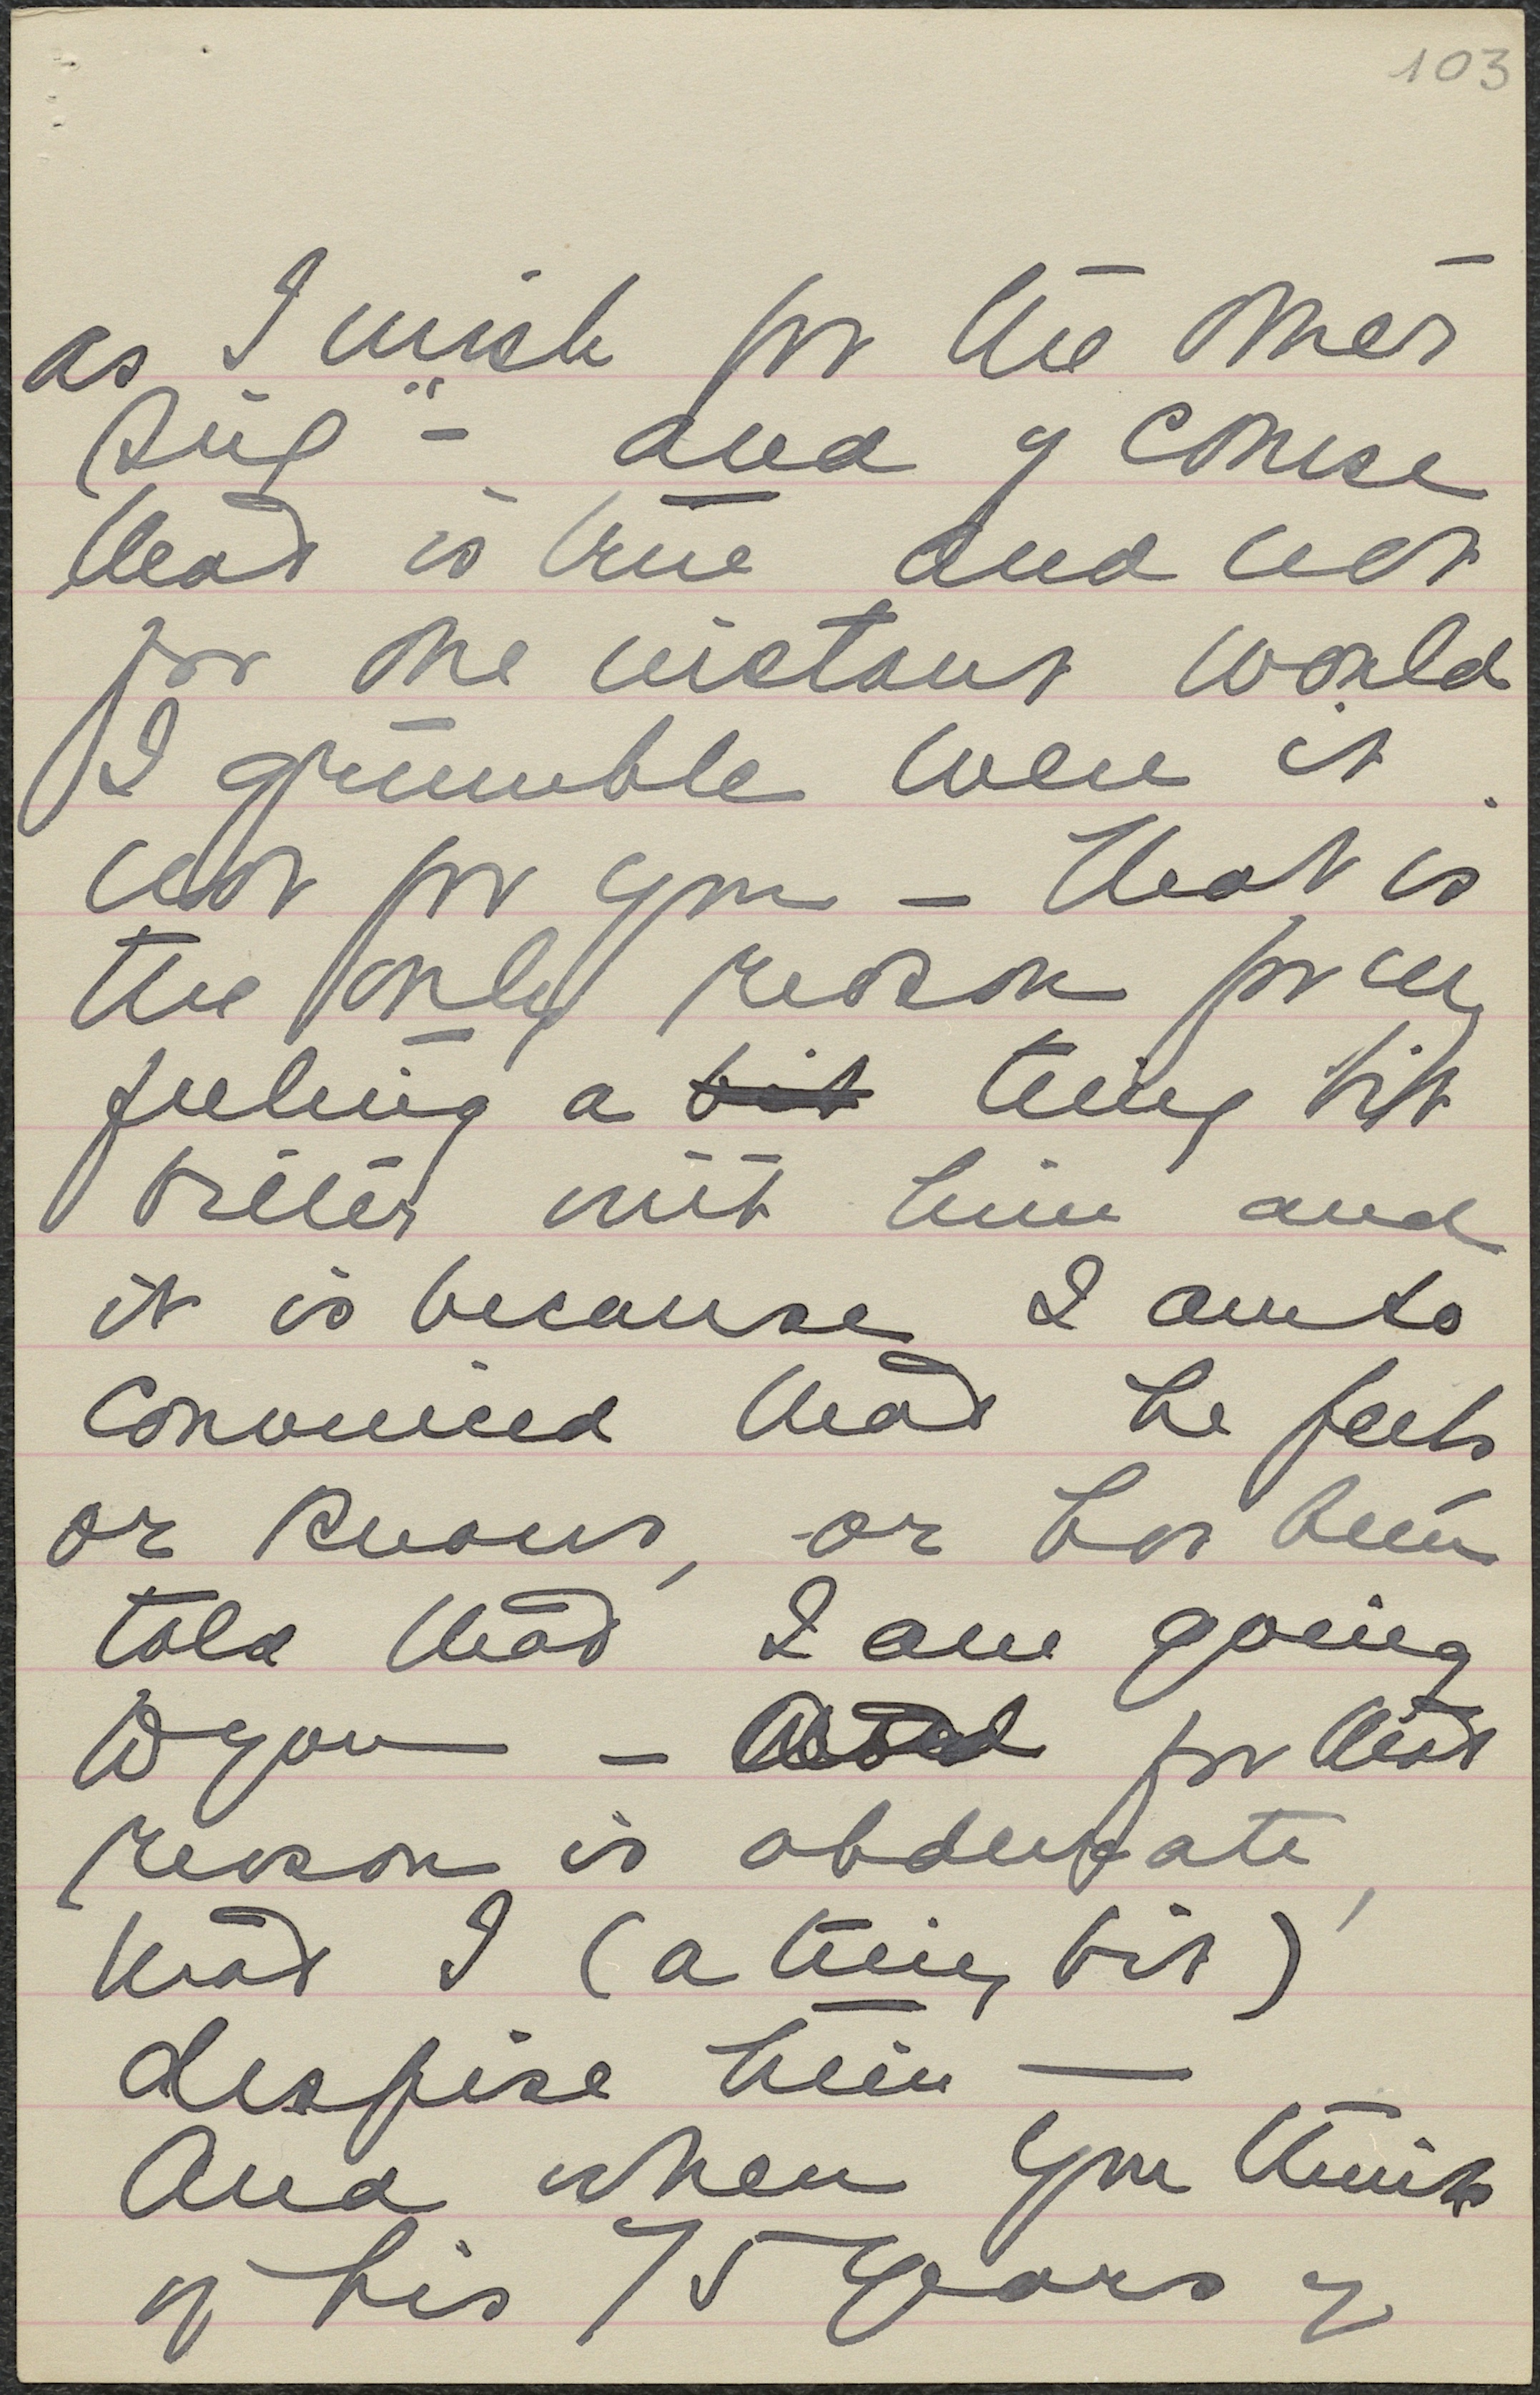as I wish for the other six” – and of course that is true and not for one instant would I grumble were it not for you – That is the only reason for my feeling a bit tiny bit better with him and it is because I am so convinced that he feels or knows, or has been told that I am going to you – and for that reason is obdurate, that I (a tiny bit) despise him –
And when you think of his 75 years of